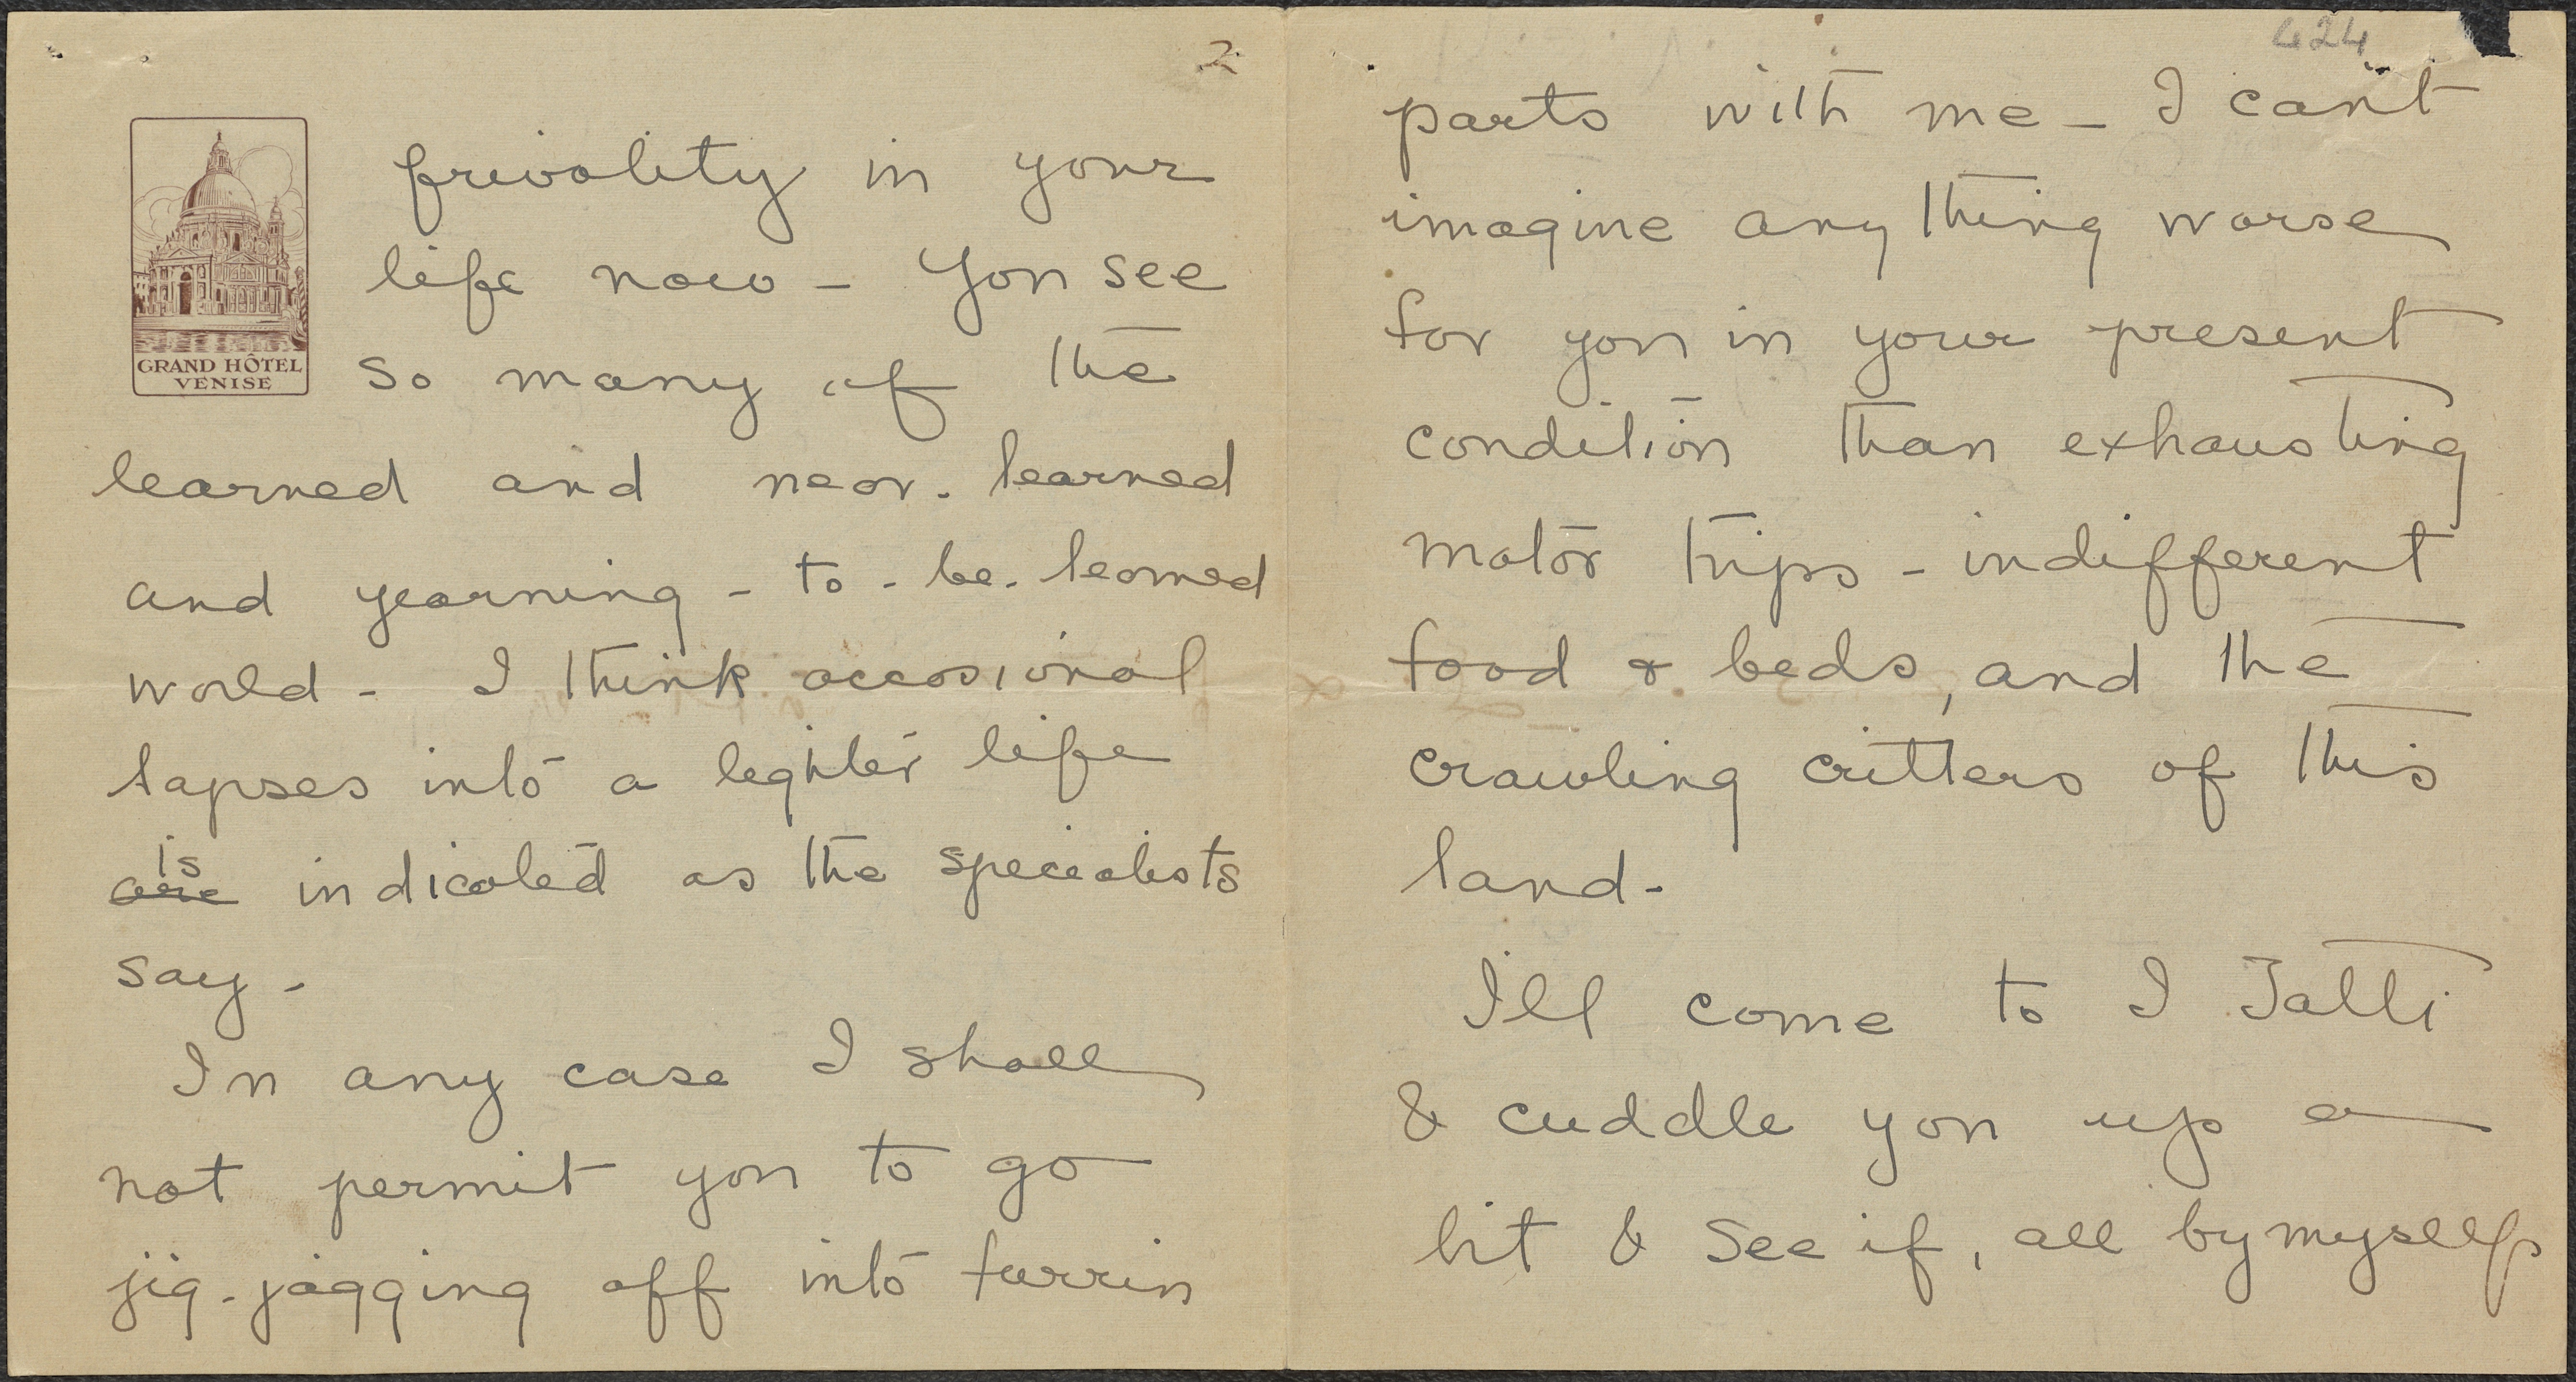frivolity in your life now – You see so many of the learned and near-learned and yearning-to-be-learned world – I think occasional lapses into a lighter life are [^is^] indicated as the specialists say –
In any case I shall not permit you to go jig-jagging off into furrin
parts with me – I can’t imagine anything worse for you in your present condition than exhausting motor trips – indifferent food & beds, and the crawling critters of this land –
I’ll come to I Tatti & cuddle you up a bit & see if, all by myself